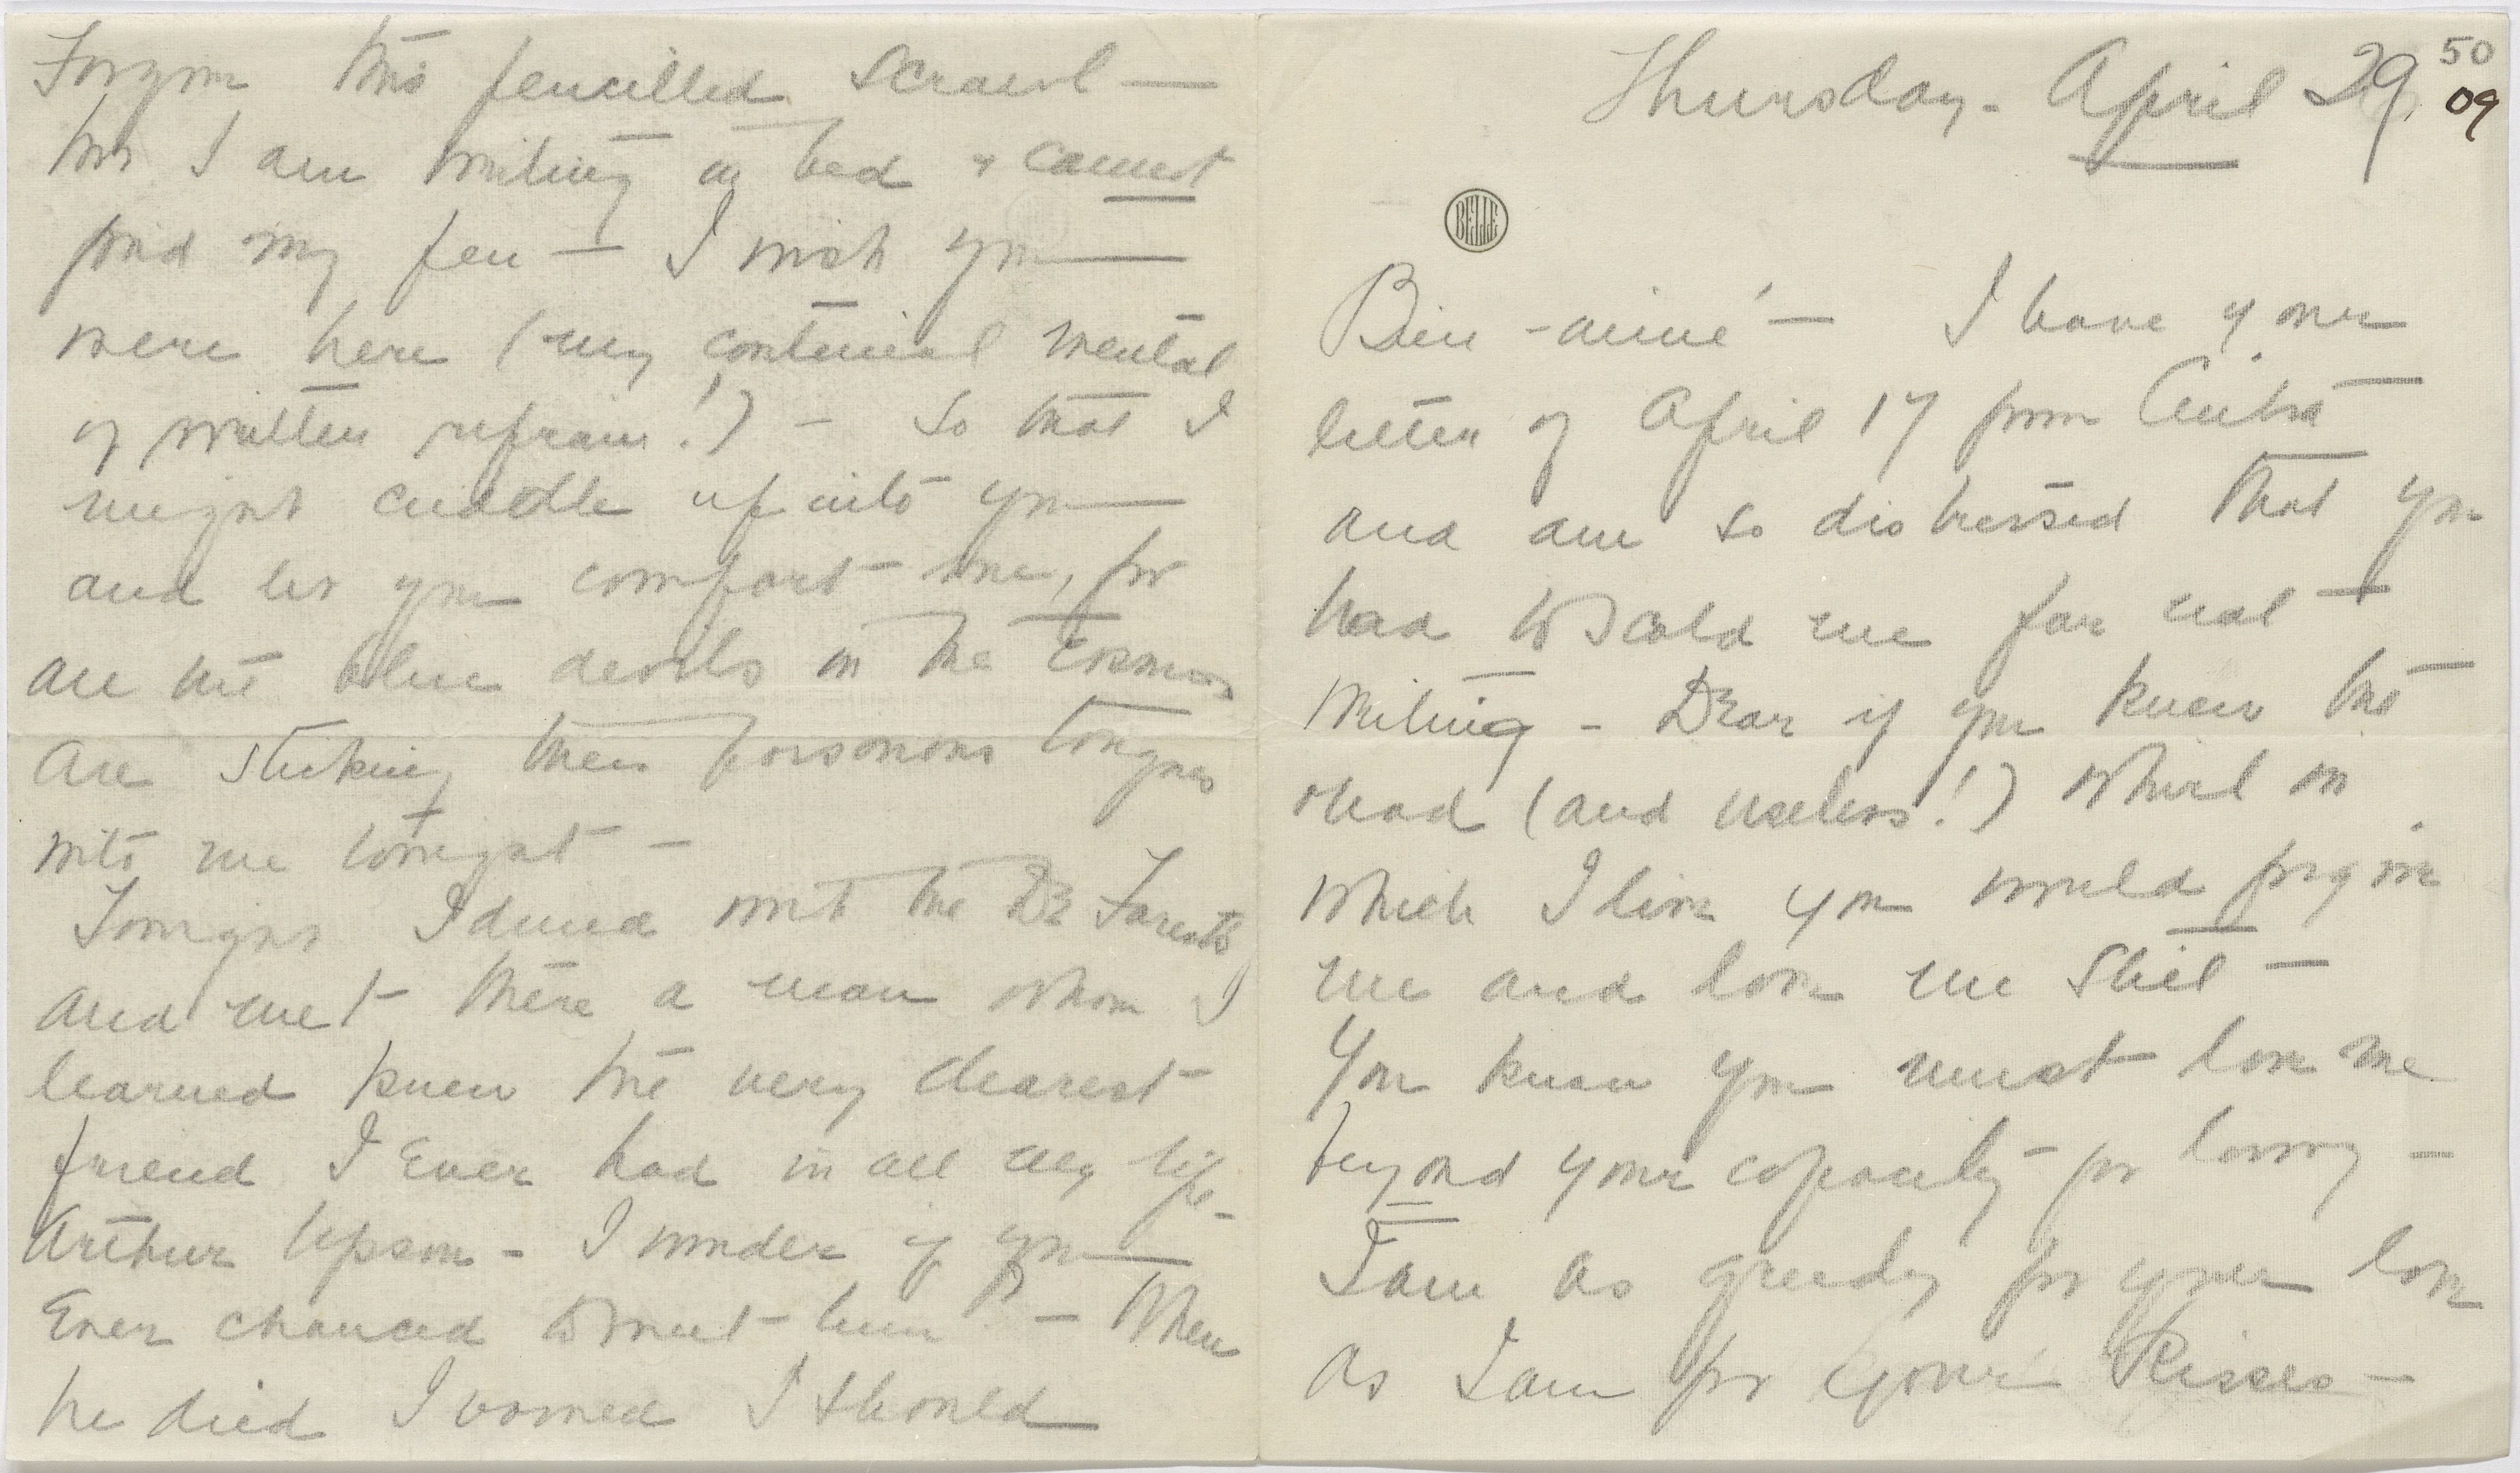Thursday – April 29
Bien-aimé – I have your letter of April 17 from Cintra and am so distressed that you had to scold me for not writing – Dear if you knew the mad (and useless!) whirl in which I live you would forgive me and love me still – You know you must love me [double underlined: beyond] your capacity for loving – I am as greedy for your love as I am for your kisses –
Forgive this pencilled scrawl – but I am writing in bed & cannot find my pen – I wish you were here (my continual mental or written refrain!) – so that I might cuddle up into you – and let you comfort me, for all the blue devils in the cosmos are sticking their poisonous tongues into me tonight –
Tonight I dined with the De Forest’s and met there a man whom I learned knew the very dearest friend I ever had in all my life – Arthur Upson – I wonder if you ever chanced to meet him? – When he died I vowed I should